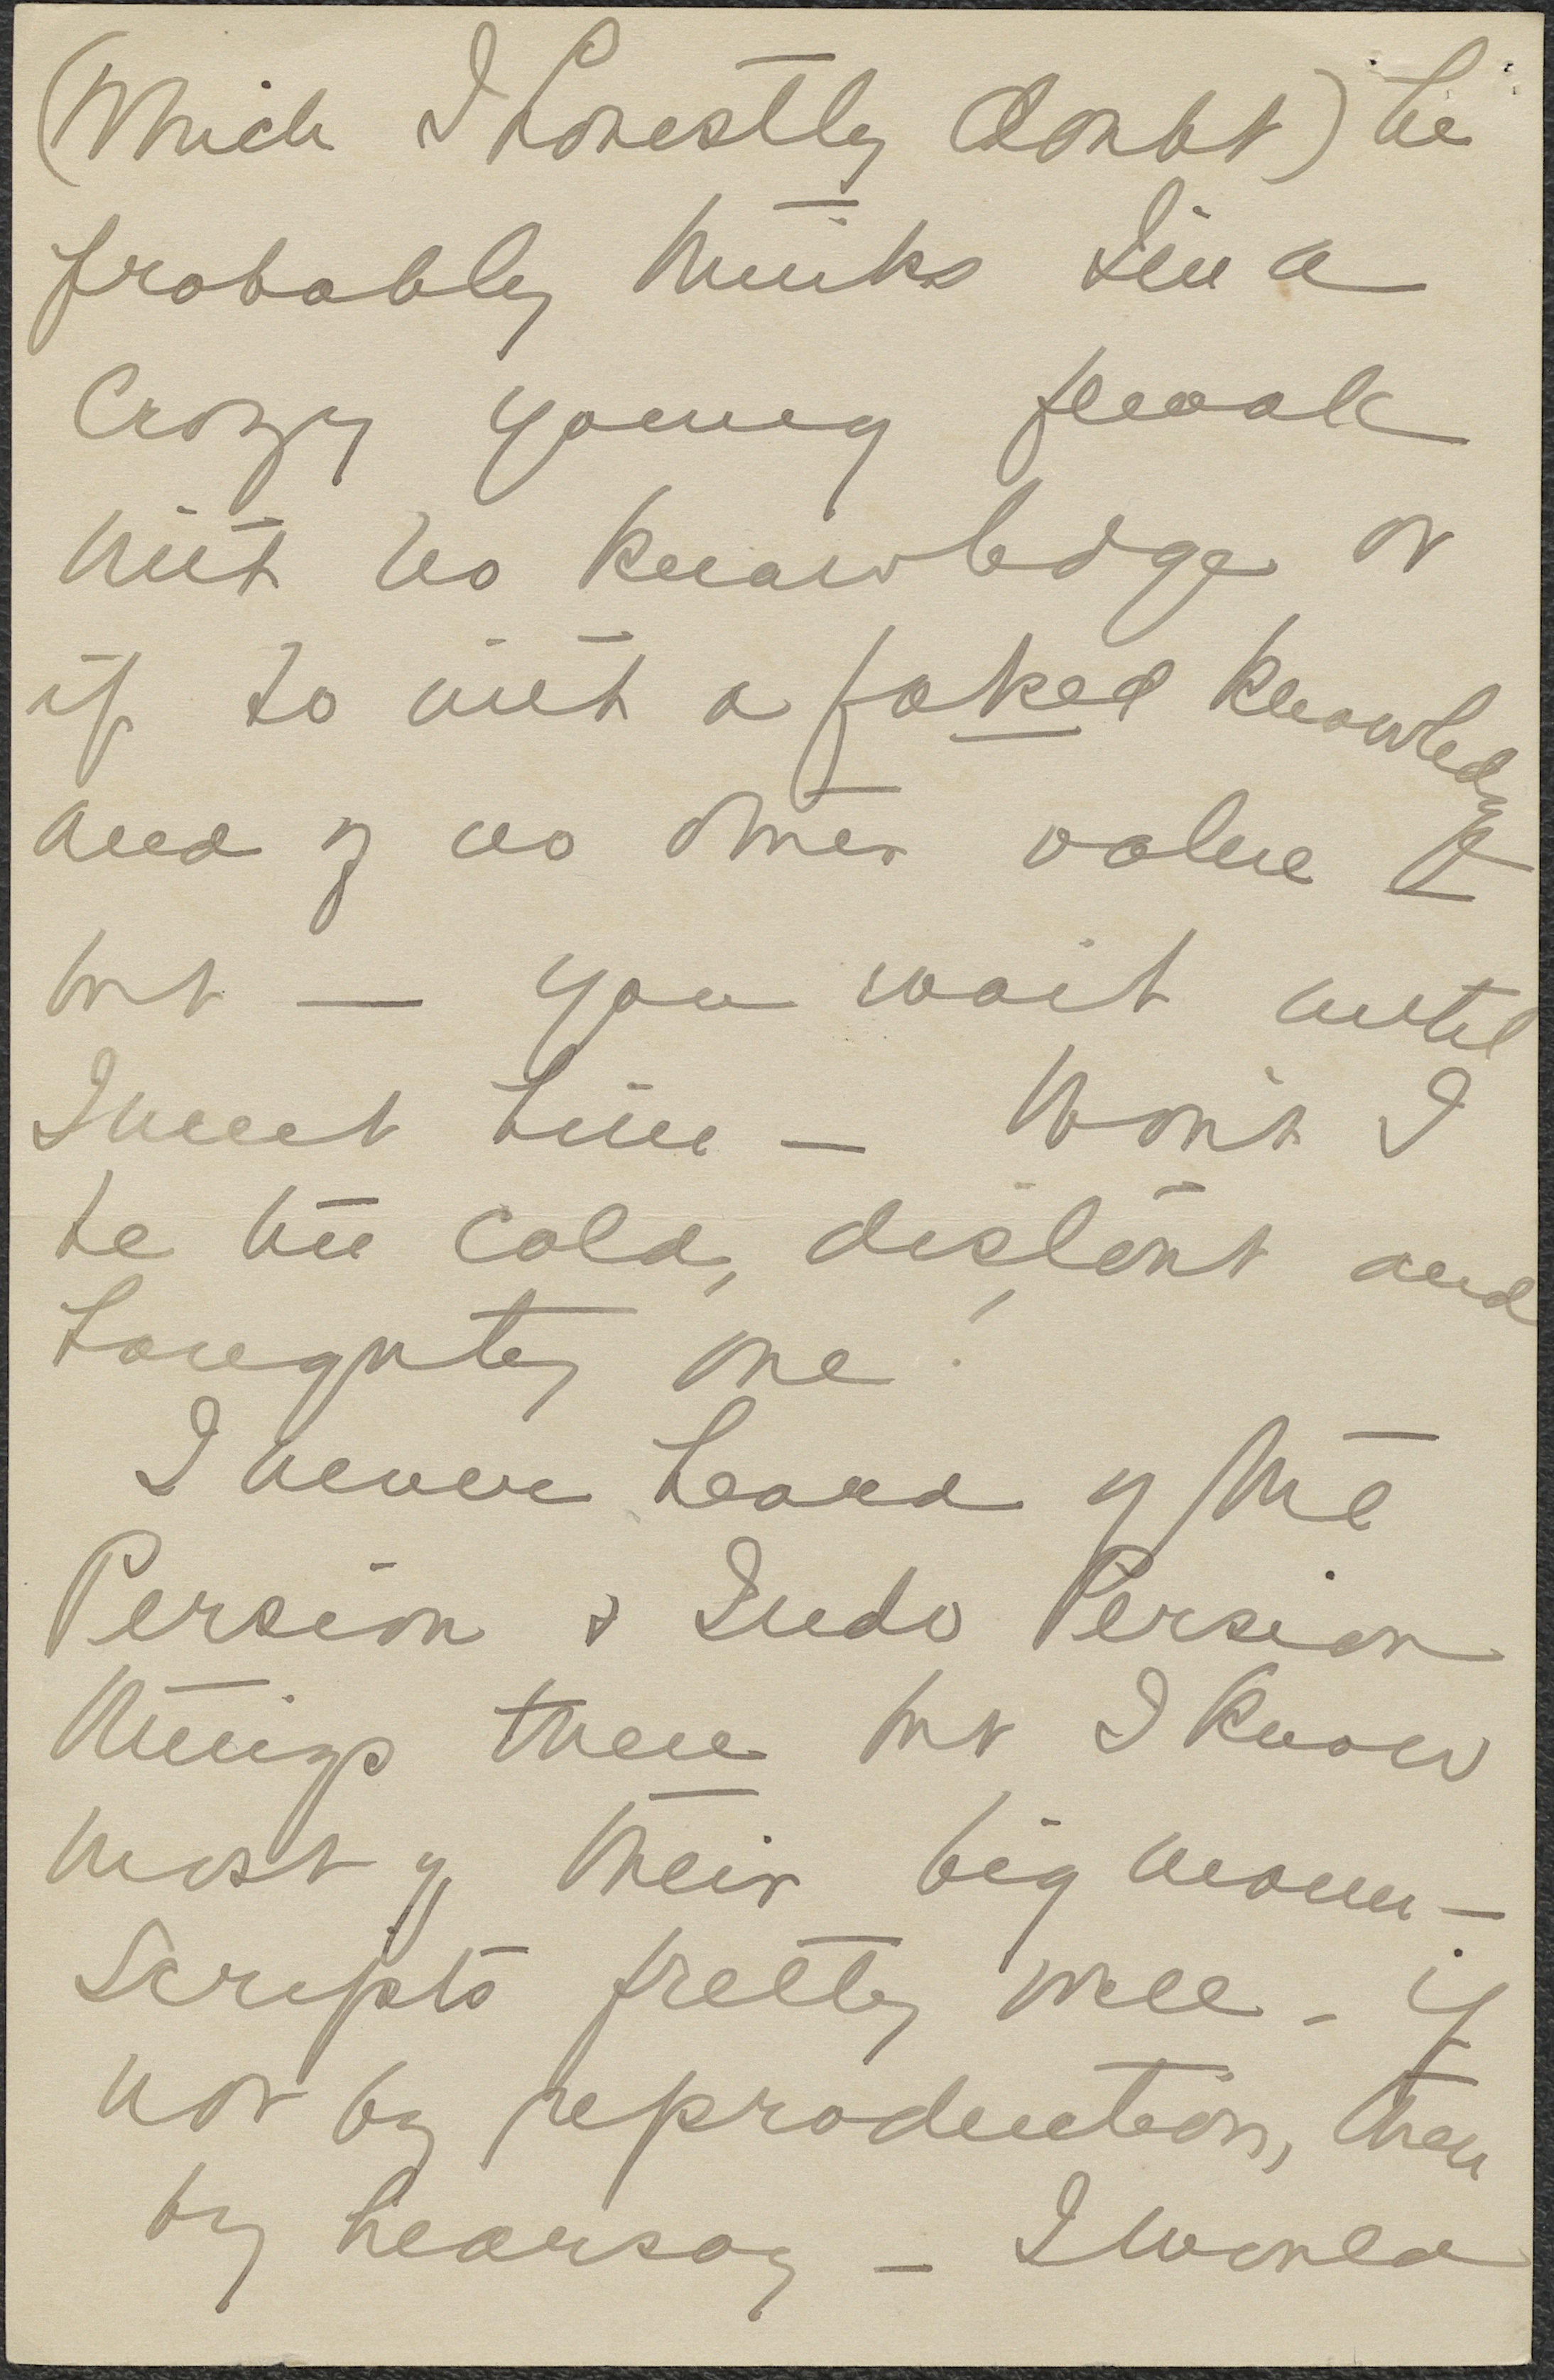(which I honestly doubt) he probably thinks I’m a crazy young female with no knowledge or if so with a faked knowledge and of no other value – but – you wait until I meet him – Won’t I be the cold, distant and haughty me!
I never heard of the Persian & Indo Persian things there but I know most of their big manuscripts pretty well – if not by reproduction, then by hearsay – I would